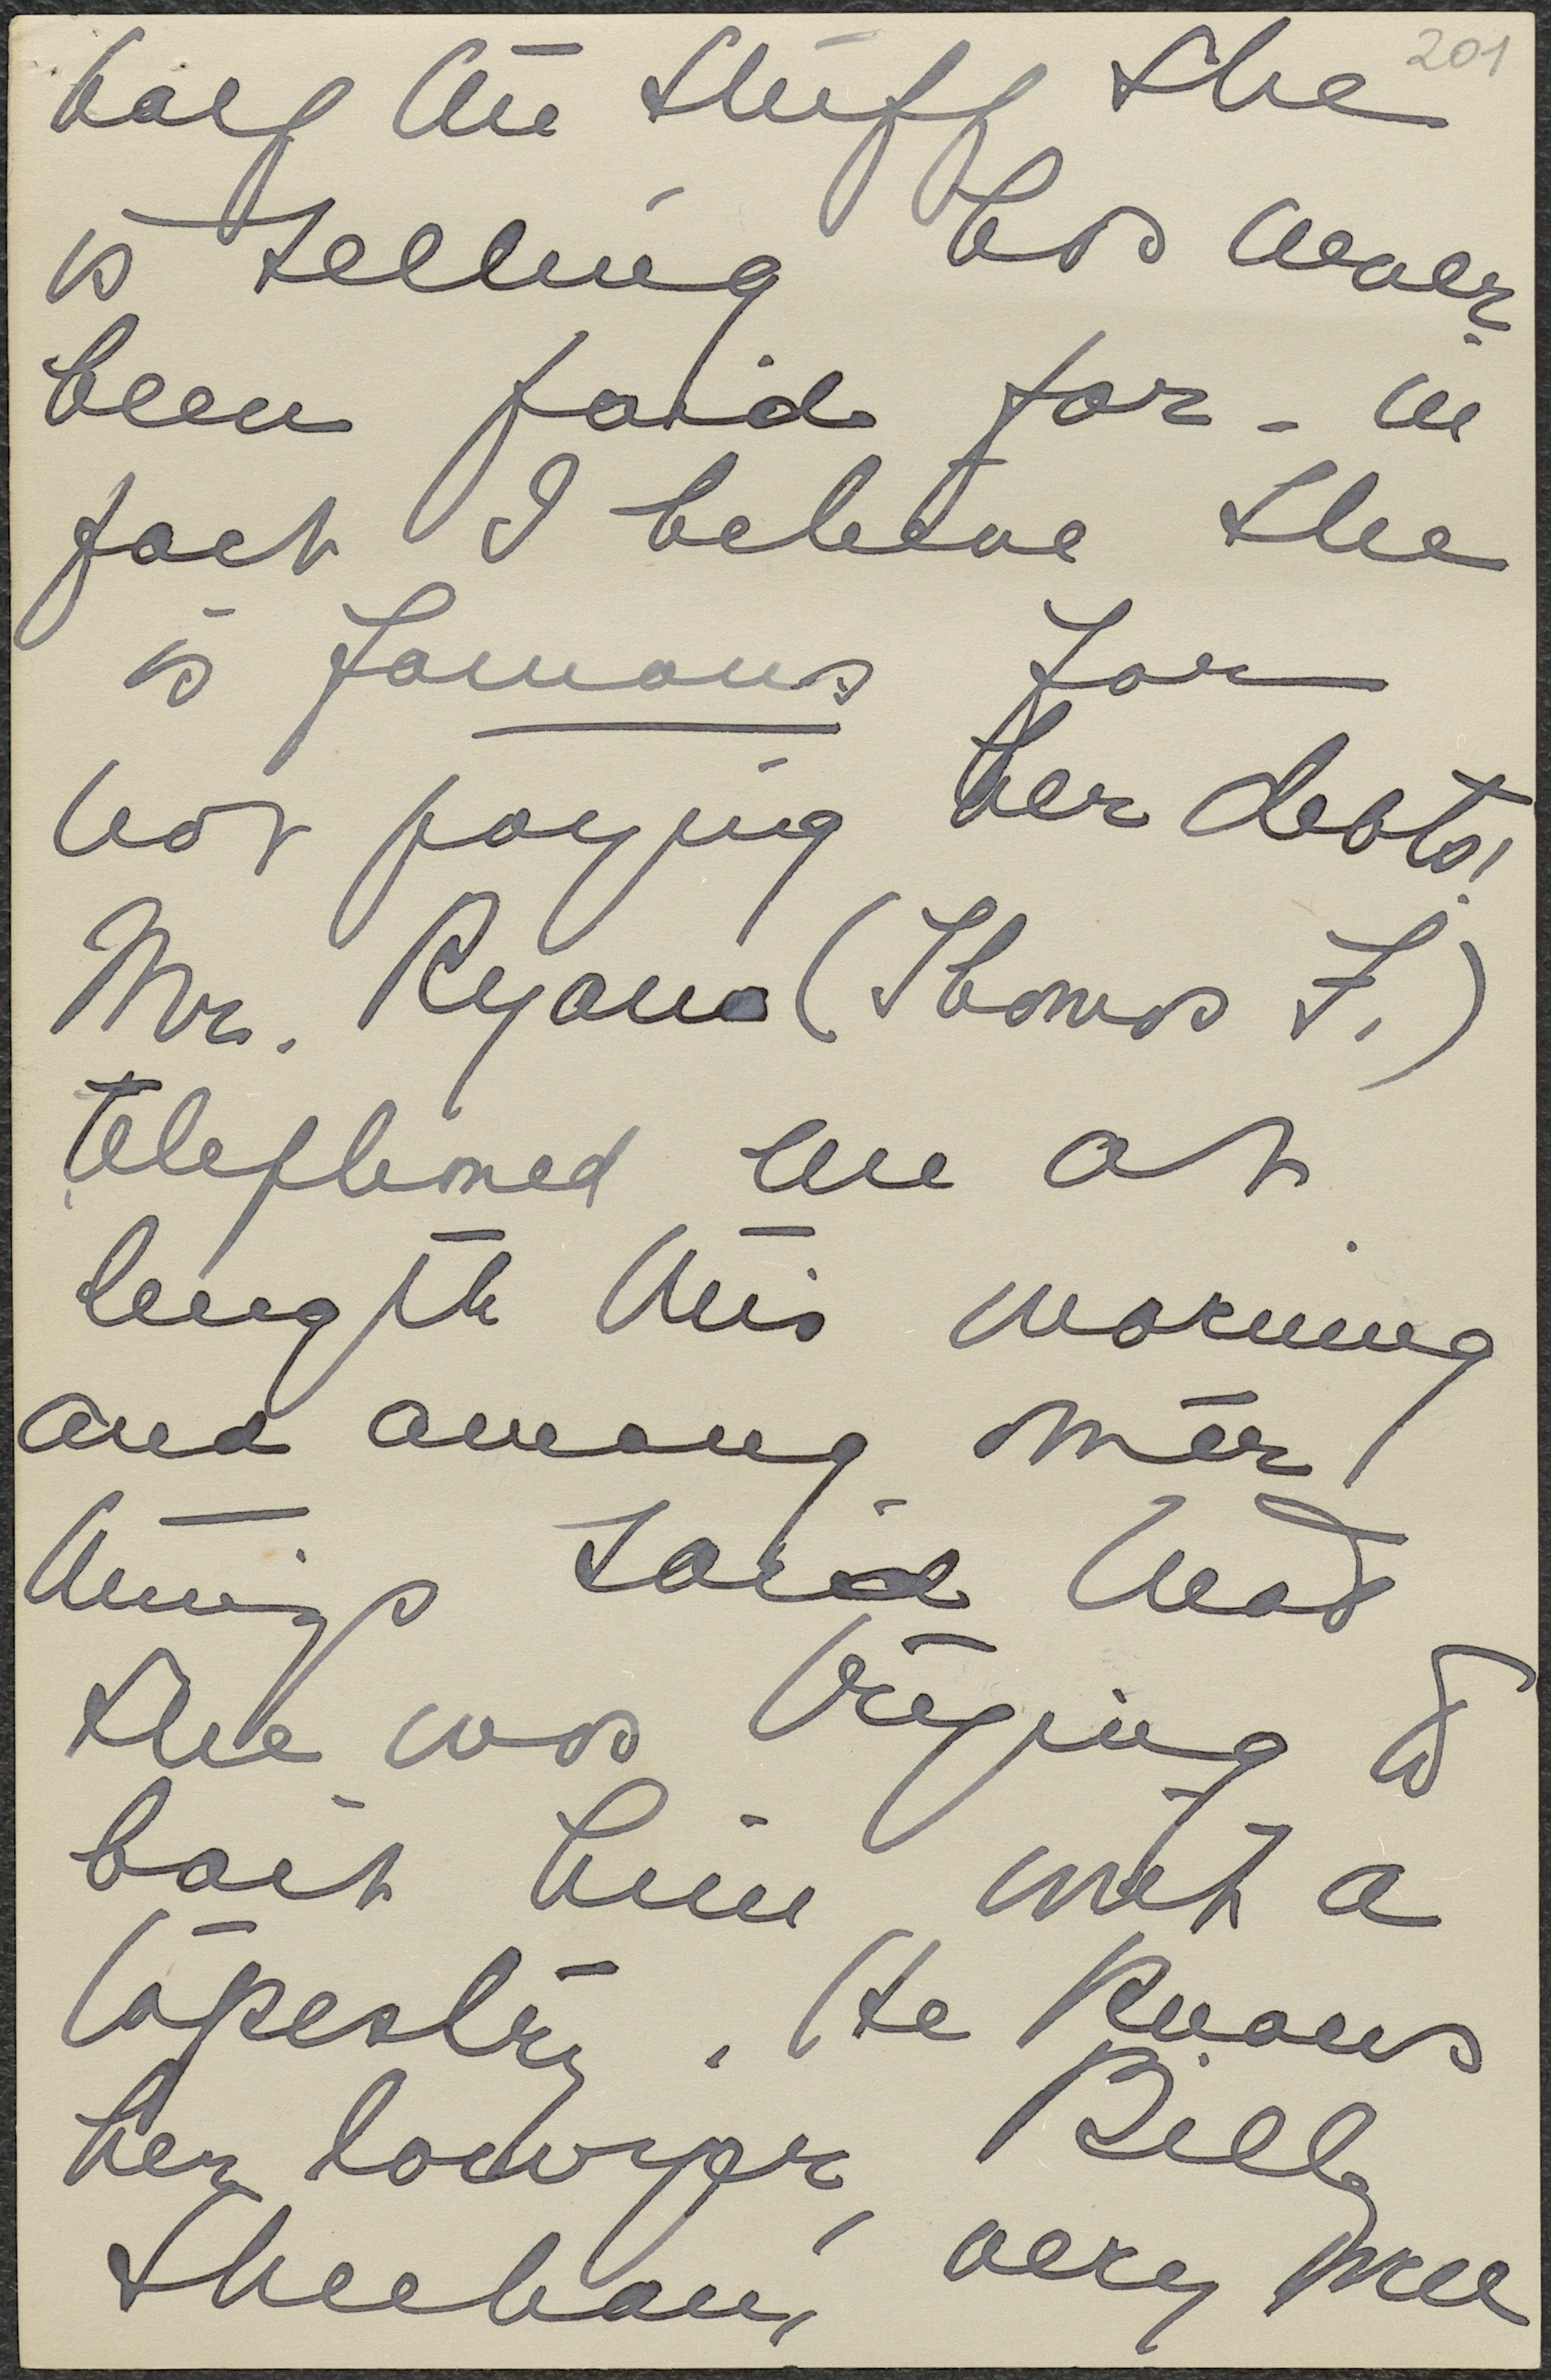half the stuff she is selling has never been paid for – in fact I believe she is famous for not paying her debts! Mr. Ryan (Thomas F.) telephoned me at length this morning and among other things said that she was trying to bait him with a tapestry. He knows her lawyer, Billy Sheehan, very well